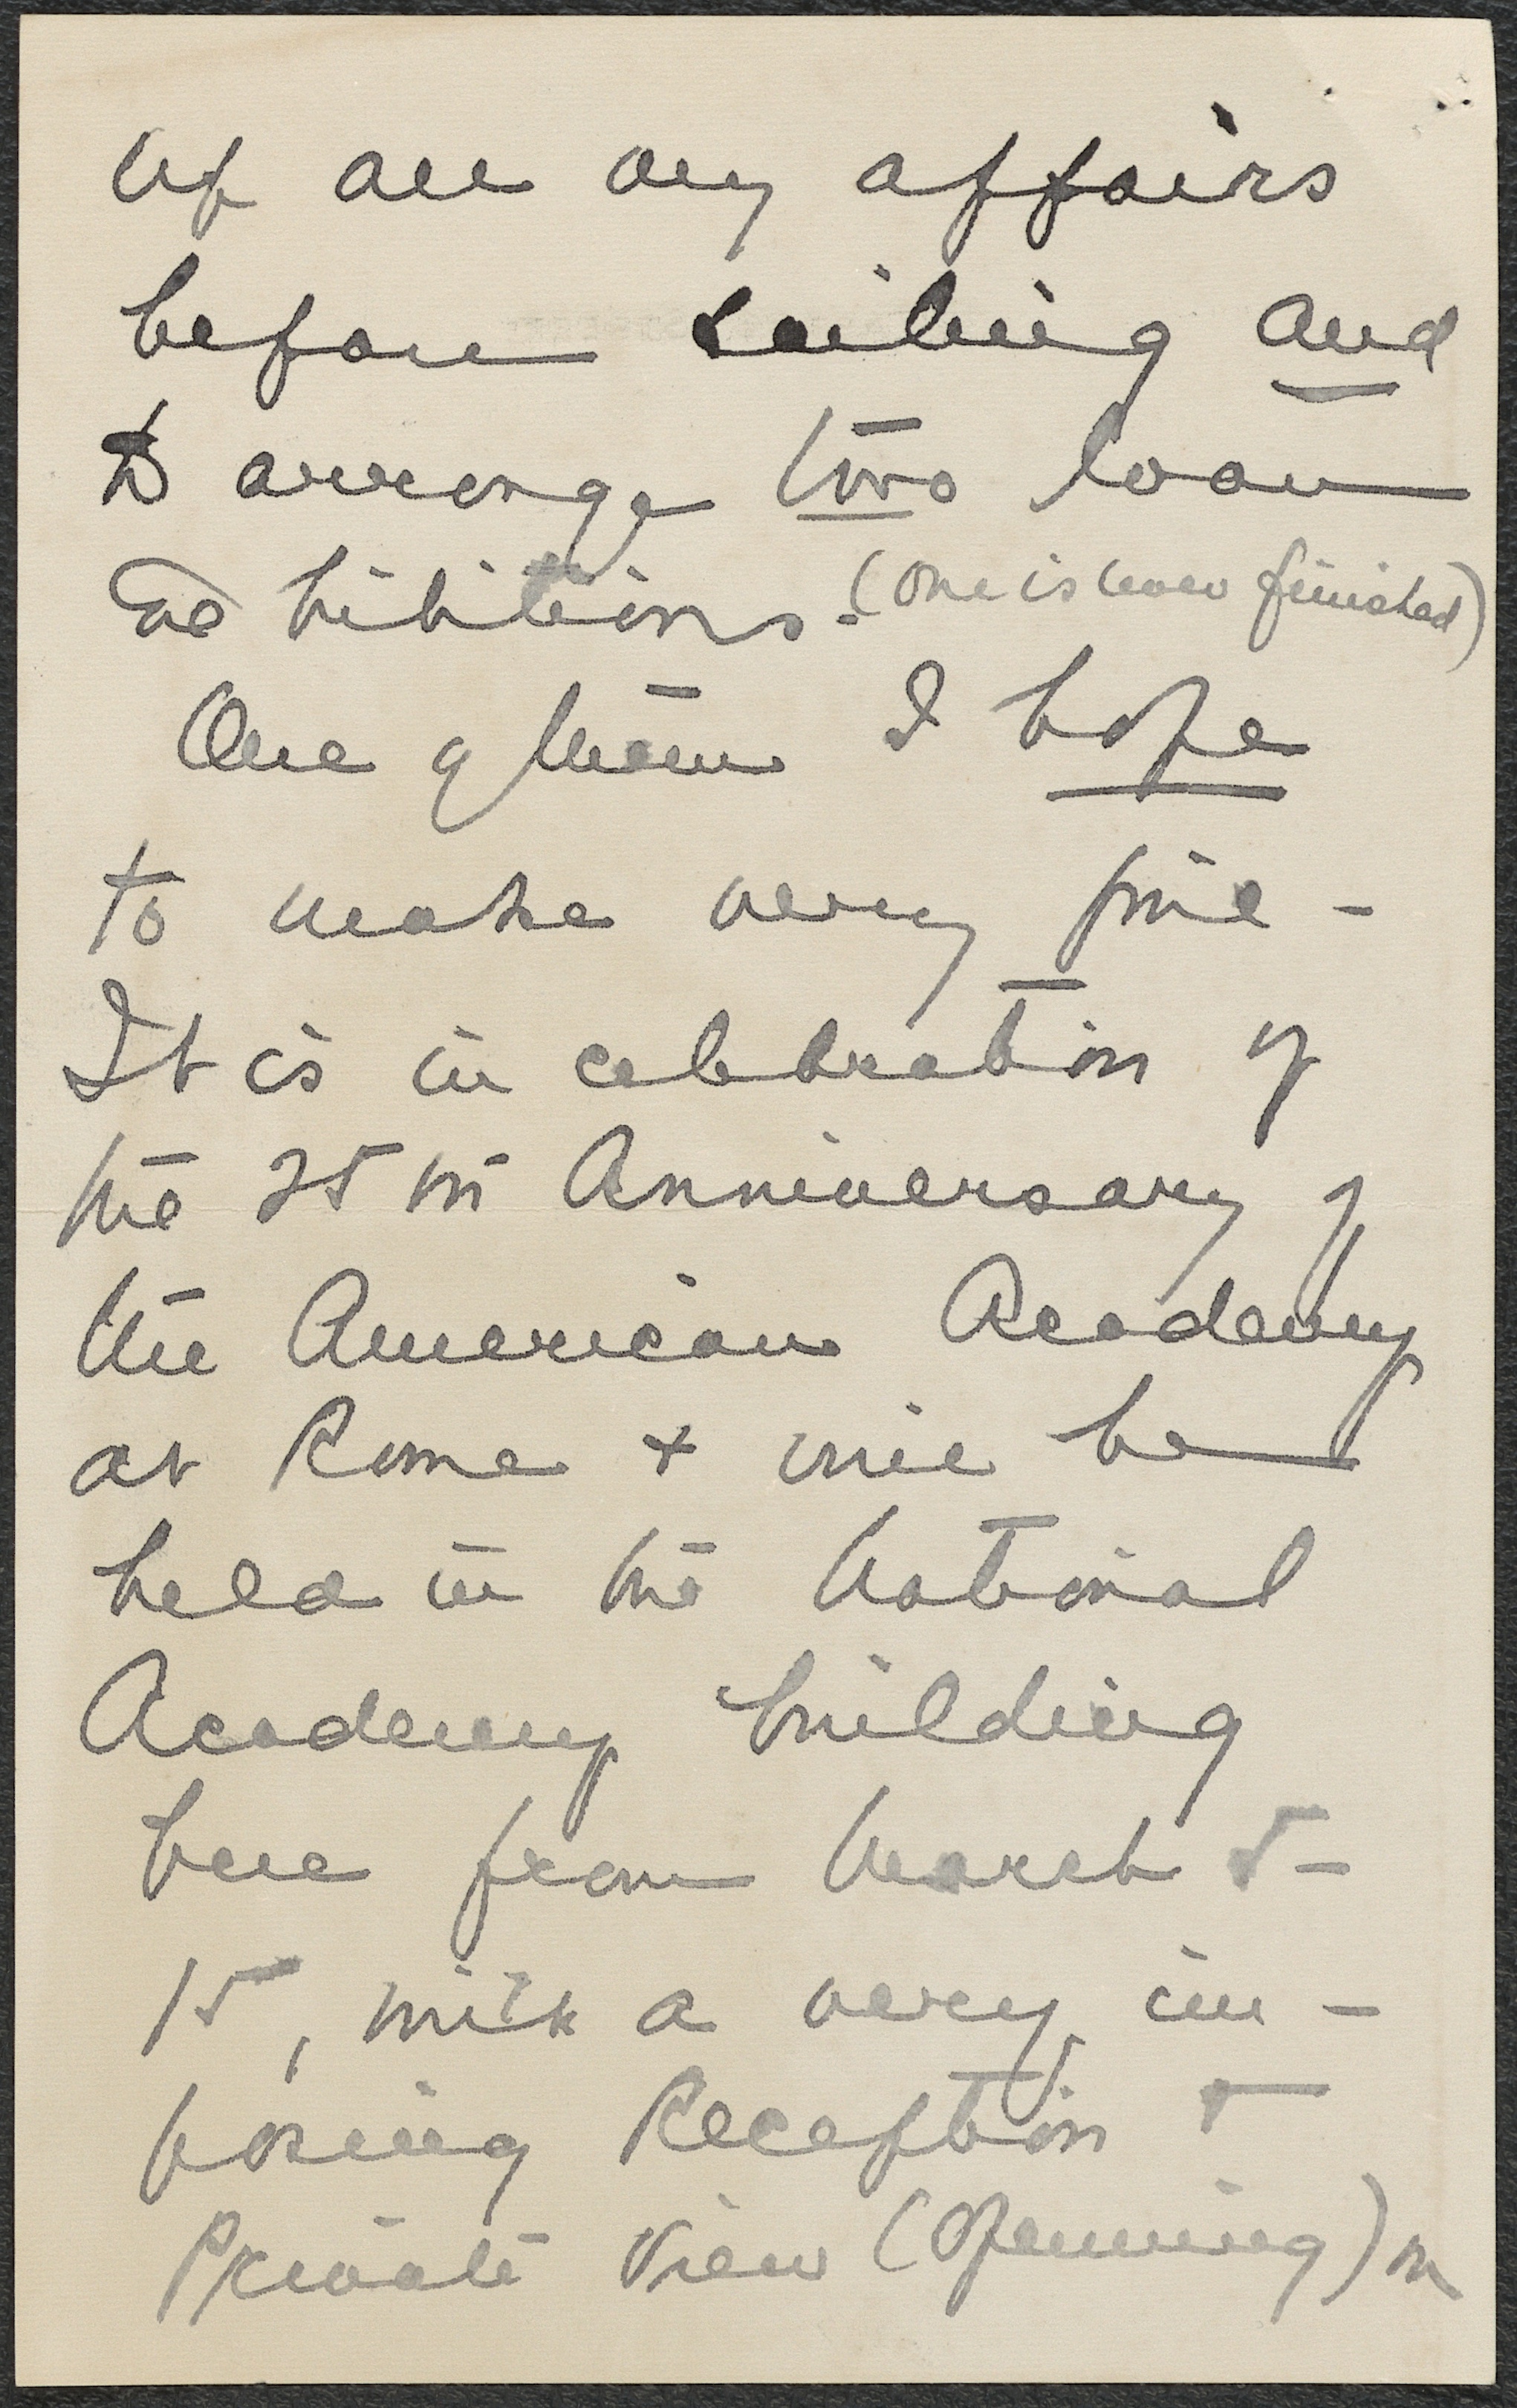up all my affairs before sailing and to arrange two loan exhibitions. (one is now finished)
One of them I hope to make very fine – it is in celebration of the 25th Anniversary of the American Academy at Rome & will be held in the National Academy building here from March 5–15, with a very imposing Reception & Private View (Opening) on